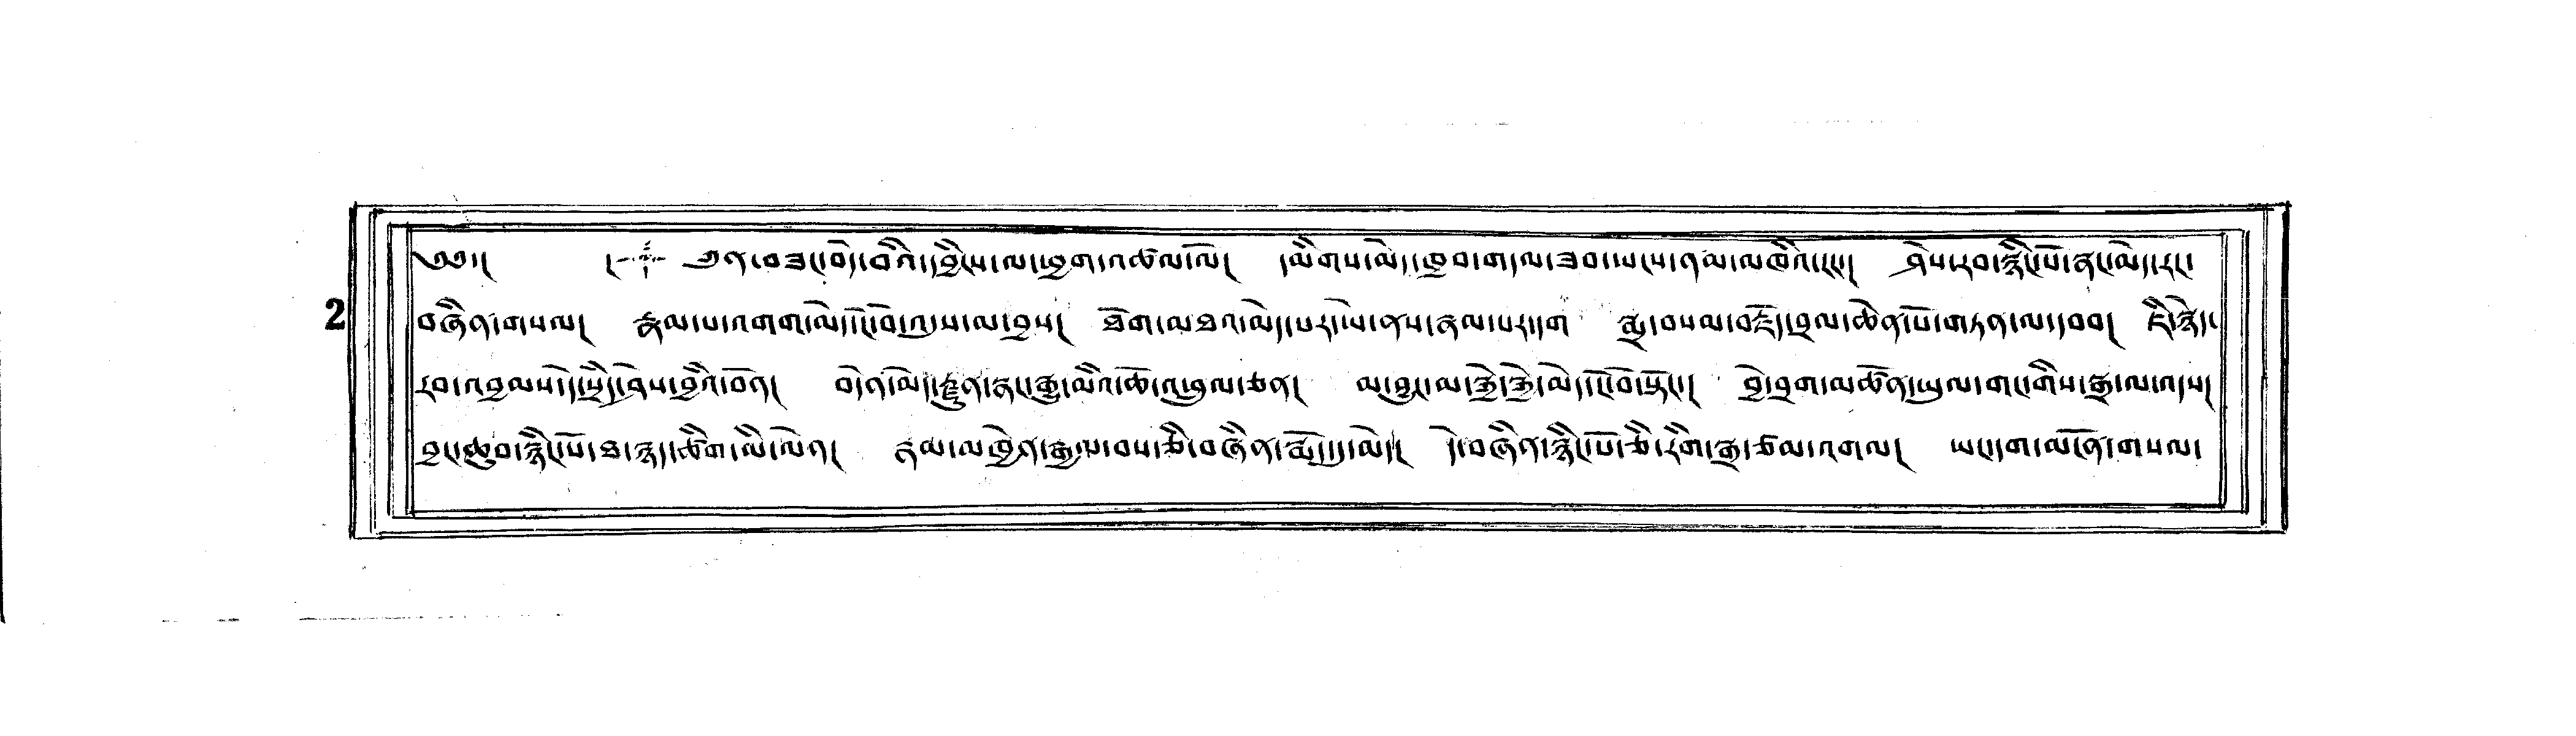༄༅།། །།ཀུན་བཟང་བདེ་བའི་དབྱིངས་ལ་ཕྱག་འཚལ་ལོ།། དམིགས་མེད་ཁྱབ་བདལ་ཟབ་ཡངས་ནམ་མཁའི་ངང་། ཤེས་རབ་སྙིང་པོ་སྣང་མེད་རང་
བཞིན་གསལ། རྣམ་པ་འགག་མེད་ངོ་བོ་འདུས་མ་བྱས། ཐོག་མཐའ་མེད་པར་ཡེ་ནས་རྣམ་པར་དག སྨྲ་བསམ་བརྗོད་བྲལ་ཆེན་པོ་གཏན་ལ་དབབ། ཇི་སྙེད་
རབ་འབྱབས་དེ་སྲིད་ཤེས་བྱའི་བོན། བདེན་མེད་རྫུན་སྣང་སྒྱུ་མའི་ཆོ་འཕྲུལ་ཅན། མ་བྱུང་མ་སྐྱེ་སྐྱེ་མེད་ངོ་བོ་སྟོང་། བྱེ་བྲག་མཚོན་ཡུལ་གང་གིས་སྒྲ་ལ་འདས། 
བྱང་ཆུབ་སྙིང་པོ་ཐ་སྙད་ཚིག་མི་ལེན། རྣམ་མཁྱེན་རྒྱལ་བས་ཅི་བཞིན་སྨོད་དུ་མེད། དེ་བཞིན་སྙིང་པོ་ཅི་རིག་སྒྲ་ཙམ་འགལ། ཡང་དག་མངོན་གསལ་